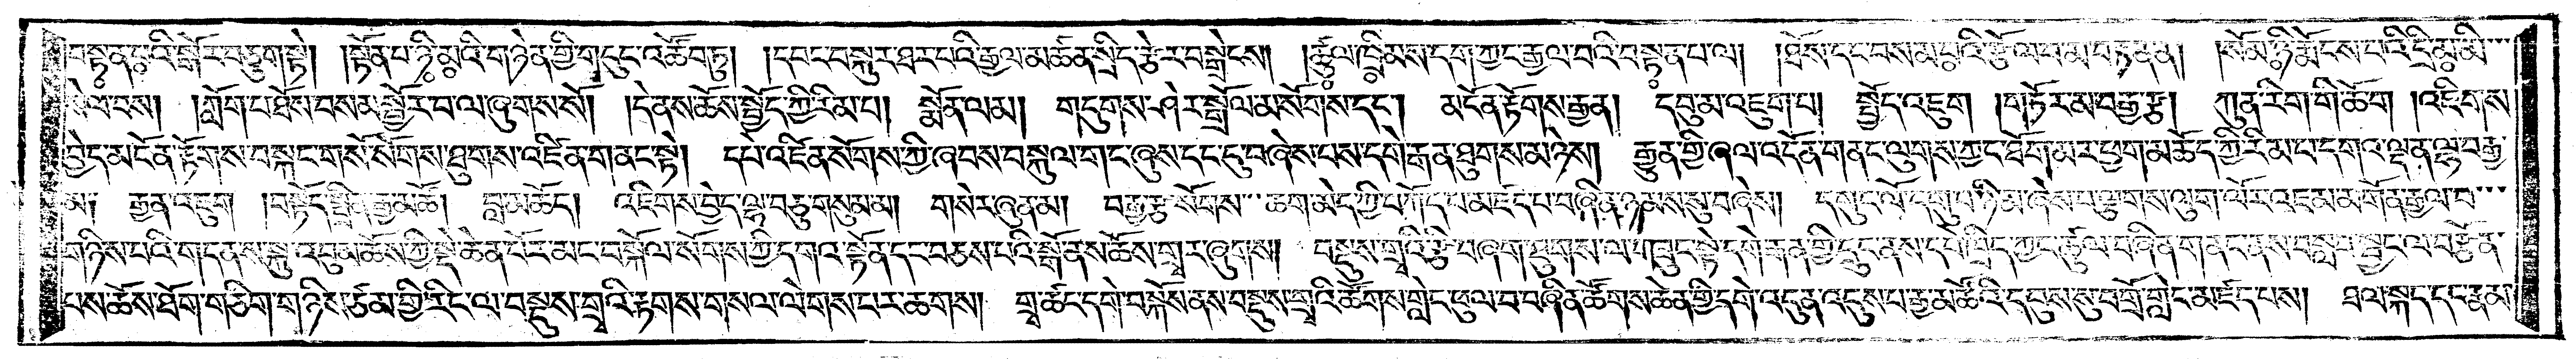བསྟན་པའི྾་སྒོར་བཅུག་སྟེ། །སྟོན་པ་ཉི྾་མའི྾་གཉེན་གྱི་གདུང་འཚོབ་ཏུ། །དབང་བསྐུར་ཐར་པའི་རྒྱལ་མཚན་སྲིད་རྩེར་བསྒྲེངས། །ཚུལ་ཁྲིམས྾་དག་ཀྱང་རྒྱལ་བའི་བསྟན྾་པ་ལ། །ཐོས་དང་བསམ་བའི྾་རྩོལ་བ་མ་བརྟན་ན། །སོམ་ཉི྾་རྨོངས་པའི་དྲི་མ྾་མི་
སེལ་བས། །ཀློག་པ་ཐོས་བསམ་སྦྱོར་བ་ལ་ཞུགས་སོ། །དེ་ནས་ཆོས་སྦྱོད་ཀྱི་རིམ་པ། སྨོན་ལམ། གདུགས་ཤེར་སྒྲོལ་མ་སོགས་དང་། མངོན་རྟོགས་རྒྱན། དབུམ་འཇུག་པ། སྤྱོད་འཇུག །གཏོར་མ་བརྒྱ་རྩ། ཀུན་རིག་གི་ཆོ་ག །འཇིགས་
བྱེད་མངོན་རྟོགས་བསྐང་གསོ་སོགས་ཐུགས་འཛིན་གནང་སྟེ། དཔེ་འཛིན་སོགས་ཀྱི་ཞབས་བསྐུལ་གང་ཞུས་དང་དུ་བཞེས་པས་དགེ་རྒན་ཐུགས་མཉེས། རྒྱུན་གྱི་ཞལ་འདོན་གནང་ལུགས་ཀྱང་ཐོག་མར་ཕྱག་མཆོད་ཀྱི་རིམ་པ་དགའ་ལྡན་ལྷ་བརྒྱ་
མ༑ རྒྱན་འཇུག །བསྟོད་སྤྲིན་རྒྱ་མཚོ། བླ་མཆོད། འཇིགས་བྱེད་ལྷ་བཅུ་གསུམ་མ། གསེར་ཞུན་མ། བརྒྱ་རྩ་སོགས་ཆག་མེད་ཀྱི་བཀོད་པ་མཛད་པ་བཞིན་ཉམས་སུ་བཞེས། དགུང་ལོ་དགུ་པ་ཉི་མ་ཞེས་པ་ལྕགས་ལུག་ལོར་འཇམ་མགོན་རྒྱལ་བ་
གཉིས་པའི་གདན་ས་སྐུ་འབུམ་ཆོས་ཀྱི་སྡེ་ཆེན་པོར་མང་བསྐོལ་སོགས་ཀྱི་དགའ་སྟོན་དང་བཅས་བའི་སྒོ་ནས་ཆོས་གྲྭར་ཞུགས། བསྡུས་གྲྭའི་རྩི་བཞག་ཐུགས་ལ་གཟུང་སྟེ་དགེ་རྒྱན་གྱི་དྲུང་ནས་དཔེ་ཁྲིད་ཀྱང་ཚུལ་བཞིན་གནང་ནས་བསླབ་སྦྱང་ལ་བརྩོན་
བས་ཆོས་ཐོག་གཅིག་གཉིས་ཙམ་གྱི་རིང་ལ་བསྡུས་གྲྭའི་རྟགས་གསལ་ལེགས་བར་ཆགས། གྲྭ་ཚང་དགེ་བསྐོས་ནས་བསྡུས་གྲྭའི་ཆོགས་གླེང་ཕུལ་བ་བཞིན་ཚོགས་ཆེན་གྱི་དགེ་འདུན་འདུས་བ་རྒྱ་མཚོའི་དབུས་སུ་འགྲོ་གླེང་མཛད་པས། ཐལ་སྐད་དང་རྣམ་